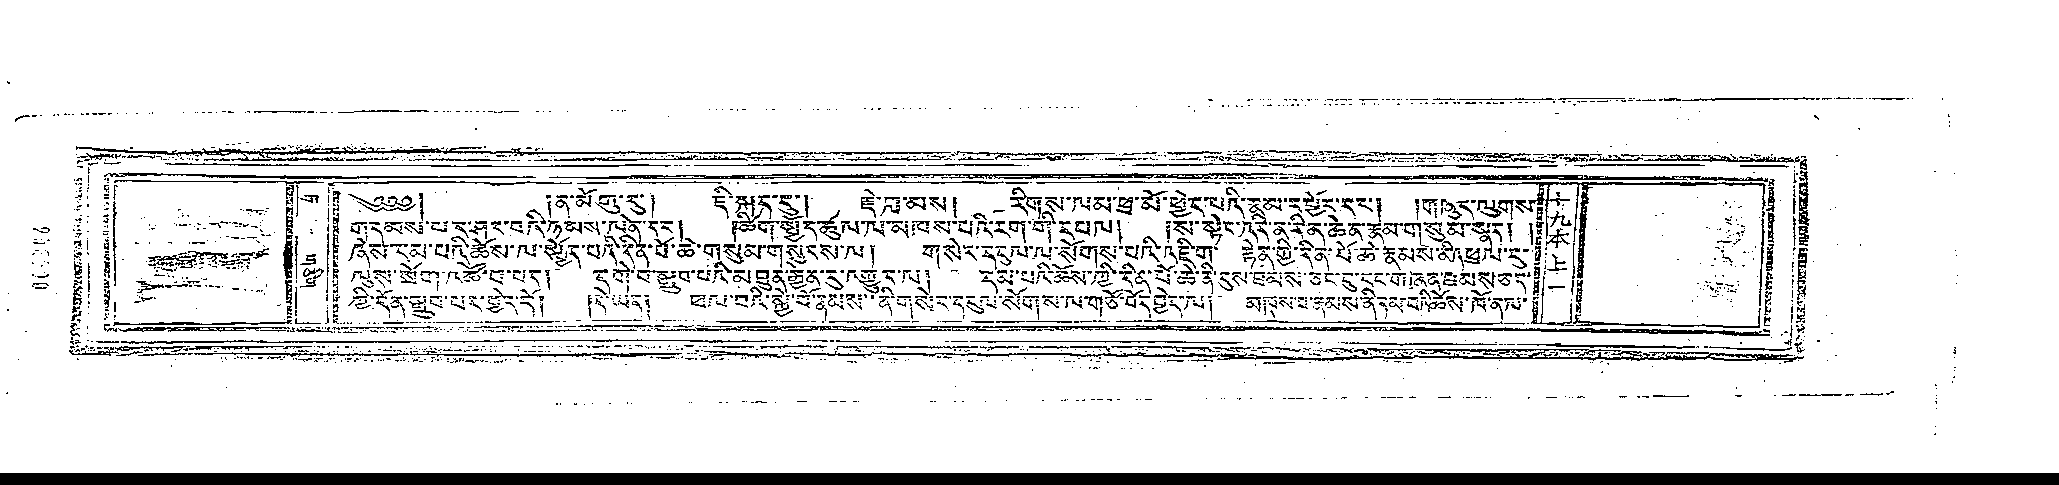༄༅༅། །ན་མོ་གུ་རུ། ཇི་སྐད་དུ། རྗེ་བླ་མས། རིགས་ལམ་ཕྲ་མོ་ཕྱེད་པའི་རྣམ་དཔྱོད་དང་། །གཞུང་ལུགས་
གདམས་པར་ཤར་བའི་ཉམས་ལེན་དང་། །ཚིག་སྦྱོར་ཚུལ་ལ་མཁས་པའི་དག་གི་དཔལ། །ས་སྟེང་འདི་ན་རིན་ཆེན་རྣམ་གསུམ་སྣང་། །
ཉེས་དམ་པའི་ཆོས་ལ་སྤྱོད་པའི་རིན་པོ་ཆེ་གསུམ་གསུངས་ལ། གསེར་དངུལ་ལ་སོགས་པའི་འཇིག་རྟེན་གྱི་རིན་པོ་ཆེ་རྣམས་ནི་འཕྲལ་དུ་
ལུས་སྲོག་འཚོ་བ་དང་། དགེ་བ་སྒྲུབ་པའི་མཐུན་རྐྱེན་དུ་འགྱུར་ལ། དམ་པའི་ཆོས་ཀྱི་རིན་པོ་ཆེ་ནི་དུས་ཐམས་ཅད་དུ་རང་གཞན་ཐམས་ཅད་
ཀྱི་དོན་སྒྲུབ་པར་བྱེད་དོ། །དེ་ཡང་། ཕལ་བའི་སྐྱེ་བོ་རྣམས་ནི་གསེར་དངུལ་སོགས་ལ་གཙོ་བོར་བྱེད་ལ། མཁས་པ་རྣམས་ནི་དམ་པའི་ཆོས་ཁོ་ན་ལ་